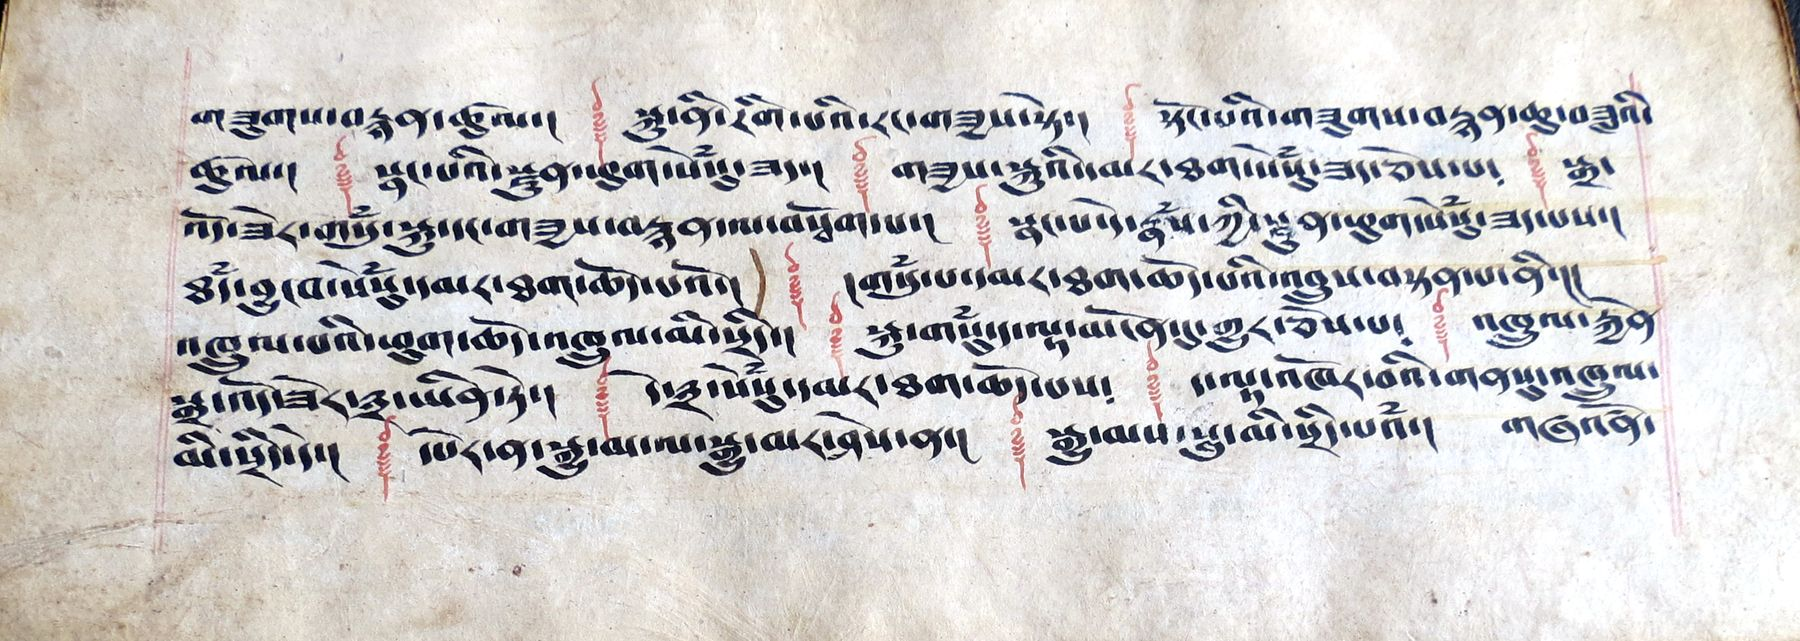གཟུགས་བརྙན་ཚུལ། སྐུ་ནི་རིག་པའི་རང་གཟུགས་ཏེ། སྟོང་པའི་གཟུགས་བརྙན་ཆུ་ཟླའི་
ཚུལ། སྣང་བའི་རྫུན་ཕུགས་སེམས་སུ་ཟད། གཟུགས་སྐུའི་དམར་ཐག་སེམས་སུ་བཅད། །ཅེས་པས། སྒྲ་
འོད་ཟེར་གསུམ་སྐུ་དང་གཟུགས་བརྙན་ལས་སོགས་པ། སྣང་བ་དེ་རྣམས་ཀྱི་རྫུན་ཕུགས་སེམས་སུ་ཟད་པས། 
ཐམས་ཅད་བྱང་ཆུབ་ཀྱི་སེམས་སུ་དམར་ཐག་ཆོད་པའོ། །གསུམ་པ་དམར་ཐག་ཆོད་པའི་འབྲས་བུ་བསྟན་པ་ནི། 
འཁྲུལ་པའི་ཕུགས་ཆོད་འཁྲུལ་མི་སྲིད། སྐུ་གསུམ་ད་ལྟ་མངོན་དུ་གྱུར། །ཞེས་པས། འཁྲུལ་རྐྱེན་
སྒྲ་འོད་ཟེར་གསུམ་ཡིན་ཏེ། དེ་གསུམ་སེམས་སུ་དམར་ཐག་ཆོད་པས། ད་འཁོར་བའི་གནས་སུ་འཁྲུལ་
མི་སྲིད་དེ། དཔེར་ན་སྒྱུ་མ་ལ་སྒྱུ་མར་ཤེས་ན། སྒྱུ་མས་སླུ་མི་སྲིད་པའམ། གཞའ་ཚོན་